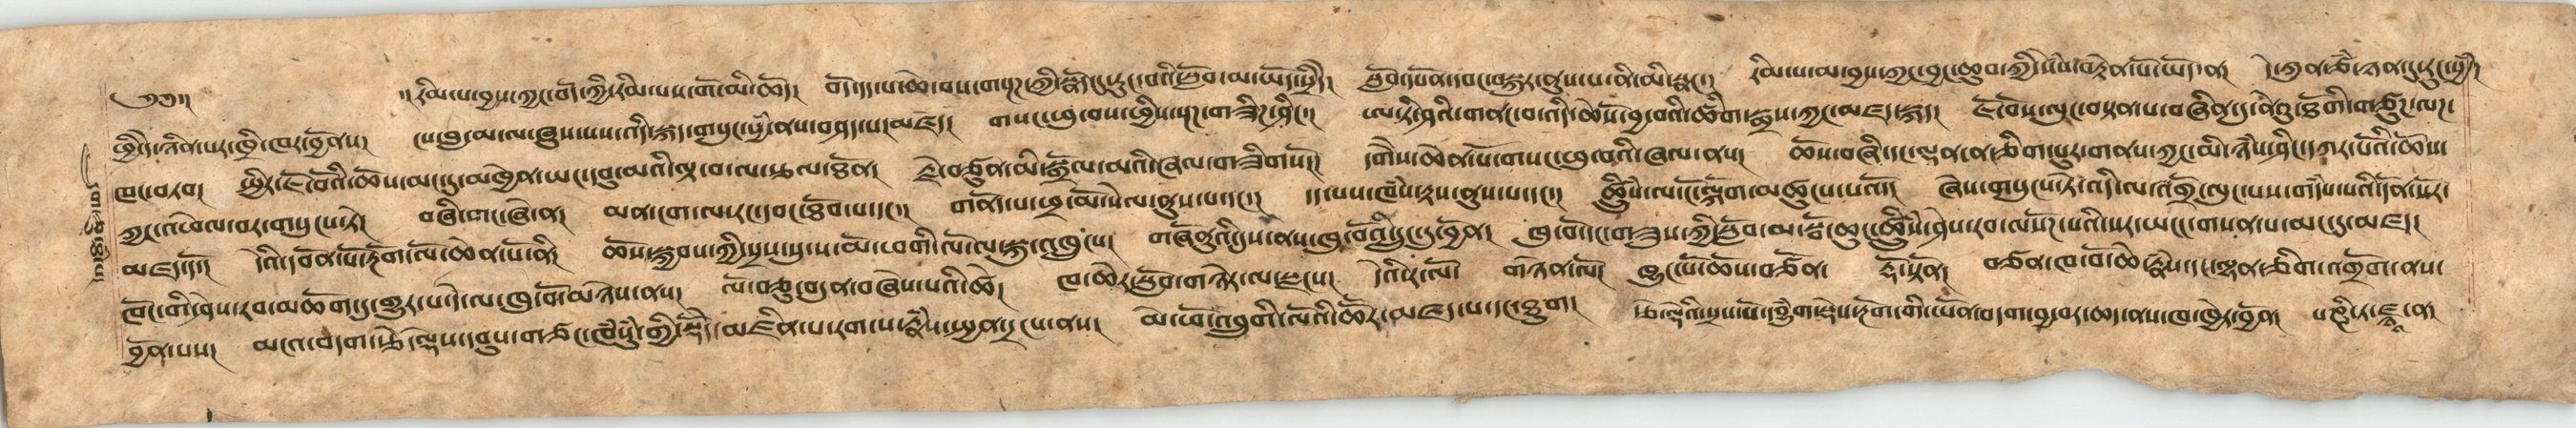་།རིམ་པ་བྱས་ཀྱང་བོད་ཀྱི་རིམ་པས་གོ་མི་ཆོད། བོད་དད་པ་ཆེ་བས་གསྔཌ་ཀྱི་སྣོད་དུ་རུང་བའི་སློབ་མ་ཡོད་སྲིདེ། སློབ་དཔོན་དབང་བསྐུར་ནུས་པ་ནི་མི་སྣང་། རིམ་པ་མ་བྱས་ཀྱང་བྱང་ཆུབ་ཀྱི་སེཾས་བརྟེན་པོ་ཡོད་ན། དེ་ཀུན་ཙཾ་ཉན་དུ་རུང་སྱཾ།
ཕྱི་དེ་ཉིན་པར་ཁྲི་ཁར་བྱོནས། ངས་བླ་མ་ལ་ཞུས་པས་འདི་སྐད་གསུང་སྱཾ་ནས་བཤད་པར་མཛད། གསང་ཕུ་བས་ཕྱིས་སྔཌ་གཟིཌ་ཤིང་། ཨ་ཏི་ཤའི་གནང་བ་འདི་ཆེསོ་བྱ་བའི་ཚིག་སྨྲས་ཀྱང་མཛད་སྐད། ཇོ་བོས་ལུང་བསྟན་པ་བཞིན་དུ་ནེའུ་ཐོགི་གཙུཌ་ལཌ་
ཁང་བཏབ། སྤྱིར་ཇོ་བོའི་ཆོས་མང་དུ་མཁྱེན་ཡང་དབུ་མའི་ལྟ་བ་ལ་རྩལ་ཐོན། རྗེ་བཙུན་མི་སྒྲོལ་མའི་ཞལ་གཟིགསོ།།། དགཻས་ཆེན་པོ་གསང་ཕུ་བའི་ཞལ་ནས། ཆོས་བཞི་དང་ལྡན་ན་ཅིག་པུར་གནས་ཀྱང་མི་ཉཾས་ཤིང་དཀར་པོའི་ཆོས་
ཀྱང་འཕེལ་བར་གསུངས་ཏེ། བཞི་གང་ཞེ་ན། མན་ངག་ལ་རང་དབང་ཐོབ་པ་དང་། གནོད་པ་ཕྲ་མོ་སེལ་ནུས་པ་དང་། དད་པས་ཁཾས་རྟས་ནུས་པ་དང་། ཚྲིུཾས་ལ་ངོ་ལྐོག་མཚུངས་པའོ། ཞེས་གསུངས་ཏེ་འདི་ལ་འགྲོ་ལུང་པས་གདཾས་པའི་དོན་པོར་
མཛད་དོ། དེའི་དབོན་པོ་རྔོག་ལོ་ཆེན་པོ་ནི། ཆོས་སྐྱབས་ཀྱི་སྲས་སུ་ས་མོ་ཕགི་ལོ་ལ་སྐུ་འཁྲུངས། གཞོནུའི་དུས་ནས་ཁུ་བོའི་དྲུང་དུ་བྱོན། ཁུ་བོ་དང་གཟུས་ཀྱི་སློབ་མ་སྦོ་ཆུང་ཚྲིུཾས་ཤེསརབ་ལསོཌ་པའི་སར་ཡངང་གསན་པ་མང་དུ་མཛད
ཁོང་གི་ཤེས་རབ་མཆོག་དུ་གྱུར་པ་དེ་ལ་ཁུ་བོ་མཉེས་ནས། ལོ་བཅུ་བདུན་བཞེས་པའི་ཚེ། ཁ་ཆེར་སློབ་གཉེར་ལ་སྫངས། དེའི་ར་ལོ་ གཉེན་ལོ། ཁྱུང་པོ་ཆོས་བརྩོན། རྡོ་སྟོན། བཙན་ཁ་བོ་ཆེ་རྣཾས་དང་ལྷན་ཅིག་འགྲོག་ནས་
བྱོན་པས། མངའ་བདག་རྩེ་ལྡེས་དབུས་གཙང་ཁཾསུཾ་གྱི་སྡོེད་འཛིན་པ་རགས་པ་རྣཾས་སྤྱན་དྲངས་ནས། མེ་ཕོ་འབྲུགི་ལོའི་ཆཽར་མཛད་པ་དང་ཐུག། རྩེ་ལྡེའི་སྲས་པོ་དབྱུཾག་སྡེས་རྔོག་གི་ཡོན་བདག་བྱ་བར་ཆད་ནས་ཁ་ཁྱེར་བྱོན། པཎྜི་ཏ་ཛྙཱ་ན་